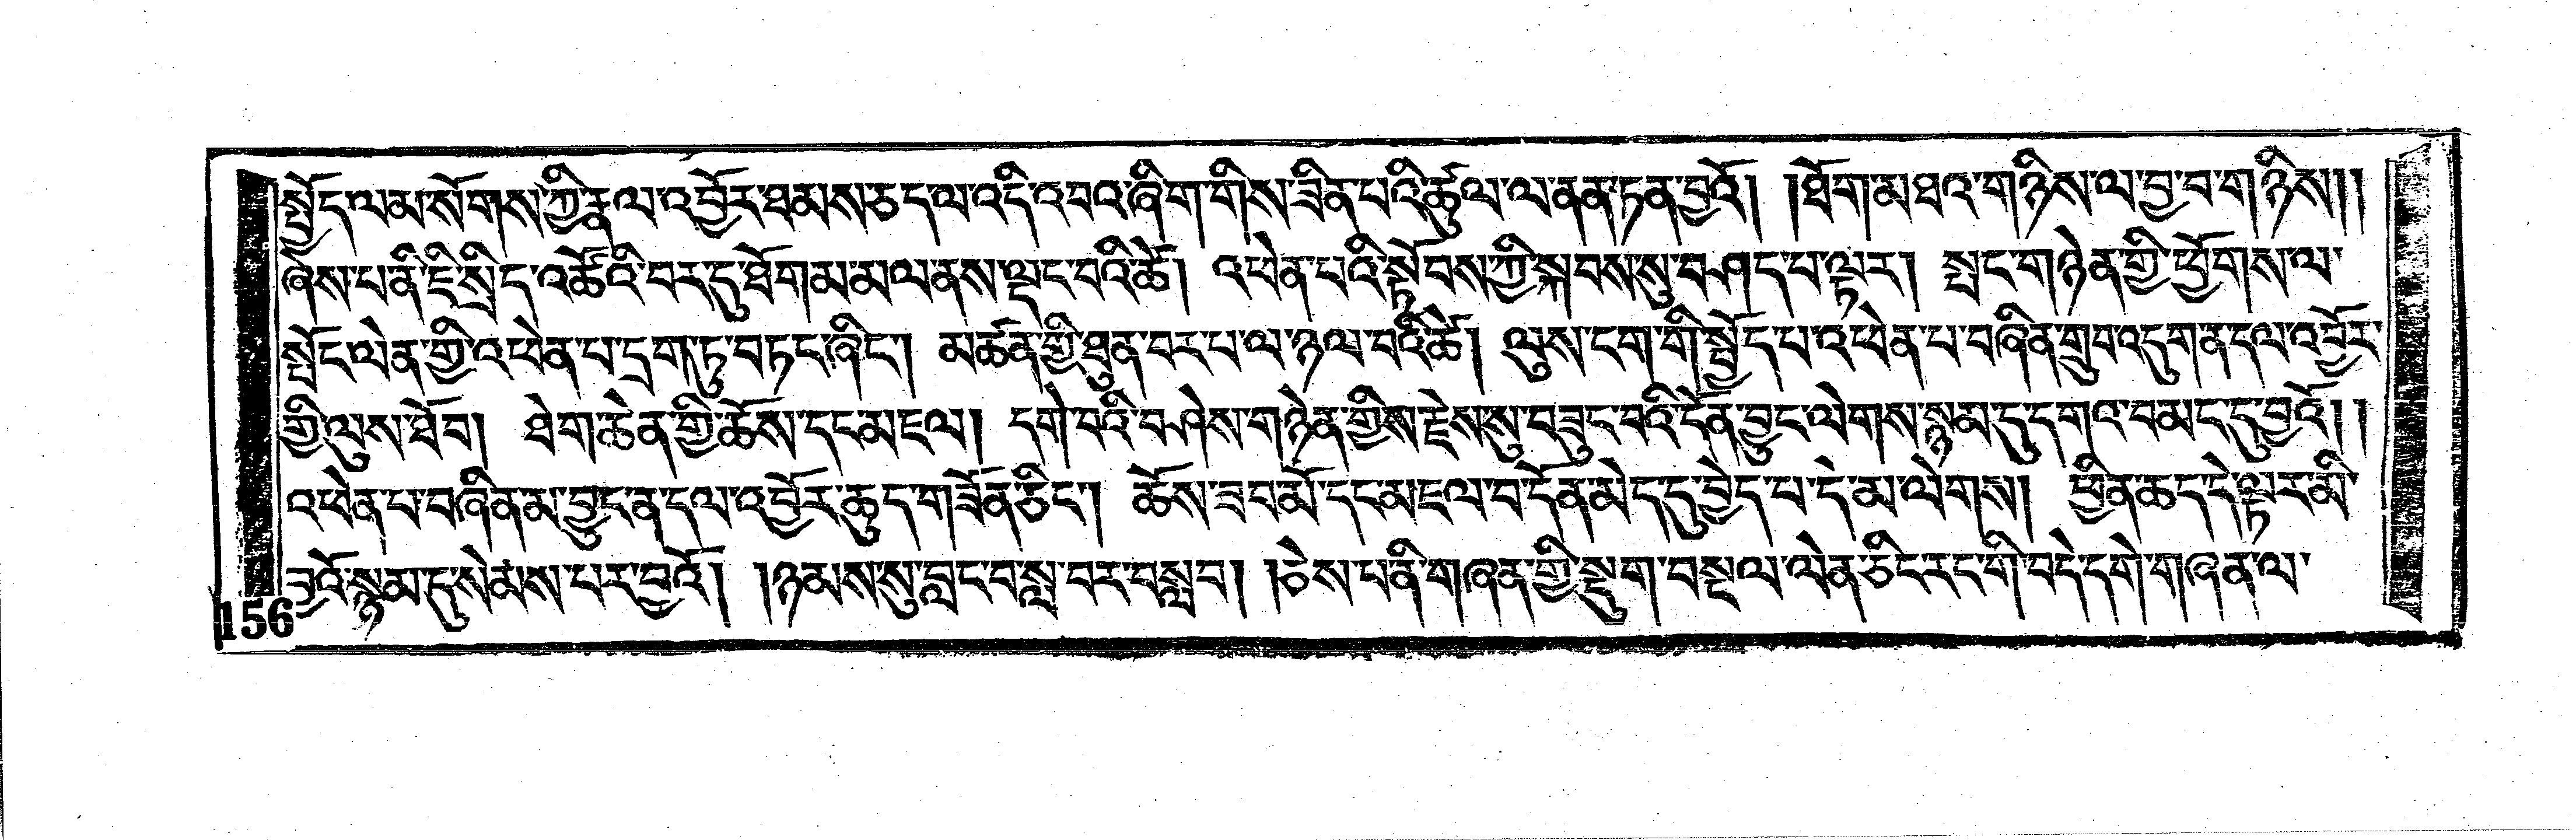སྤྱོད་ལམ་སོགས་ཀྱི་རྣལ་འབྱོར་ཐམས་ཅད་ལ་འདི་འབའ་ཞིག་གིས་ཟིན་པའི་ཚུལ་ལ་ནན་ཏན་བྱའོ། །ཐོག་མཐའ་གཉིས་ལ་བྱ་བ་གཉིས།།
ཞེས་པ་ནི་ཇི་སྲིད་འཚོའི་བར་དུ་ཐོག་མ་མལ་ནས་ལྡང་བའི་ཚེ། འཕེན་པའི་སྟོབས་ཀྱི་སྐབས་སུ་བཤད་པ་ལྟར། སྤང་གཉེན་གྱི་ཕྱོགས་ལ་
སྤོང་ལེན་གྱི་འཕེན་པ་དྲག་ཏུ་བཏང་ཞིང་། མཚན་གྱི་ཐུན་བར་པ་ལ་ཉལ་བའི་ཚེ། ལུས་ངག་གི་སྤྱོད་པ་འཕེན་པ་བཞིན་གྲུབ་འདུག་ན་དལ་འབྱོར་
གྱི་ལུས་ཐོབ། ཐེག་ཆེན་གྱི་ཆོས་དང་མཇལ། དགེ་བའི་བཤེས་གཉེན་གྱིས་རྗེས་སུ་བཟུང་བའི་དོན་བྱུང་ལེགས་སྙམ་དུ་དགའ་བ་མང་དུ་བྱའོ།།
འཕེན་པ་བཞིན་མ་བྱུང་ན་དལ་འབྱོར་ཆུད་གཟོན་ཅིང་། ཆོས་ཟབ་མོ་དང་མཇལ་བ་དོན་མེད་དུ་བྱེད་པ་དེ་མ་ལེགས། ཕྱིན་ཆད་དེ་ལྟར་མི་
བྱའོ་སྙམ་དུ་སེམས་པར་བྱའོ། །ཉམས་སུ་བླང་བ་སླ་བར་བསླབ། །ཅེས་པ་ནི་གཞན་གྱི་སྡུག་བསྔལ་ལེན་ཅིང་རང་གི་བདེ་དགེ་གཞན་ལ་